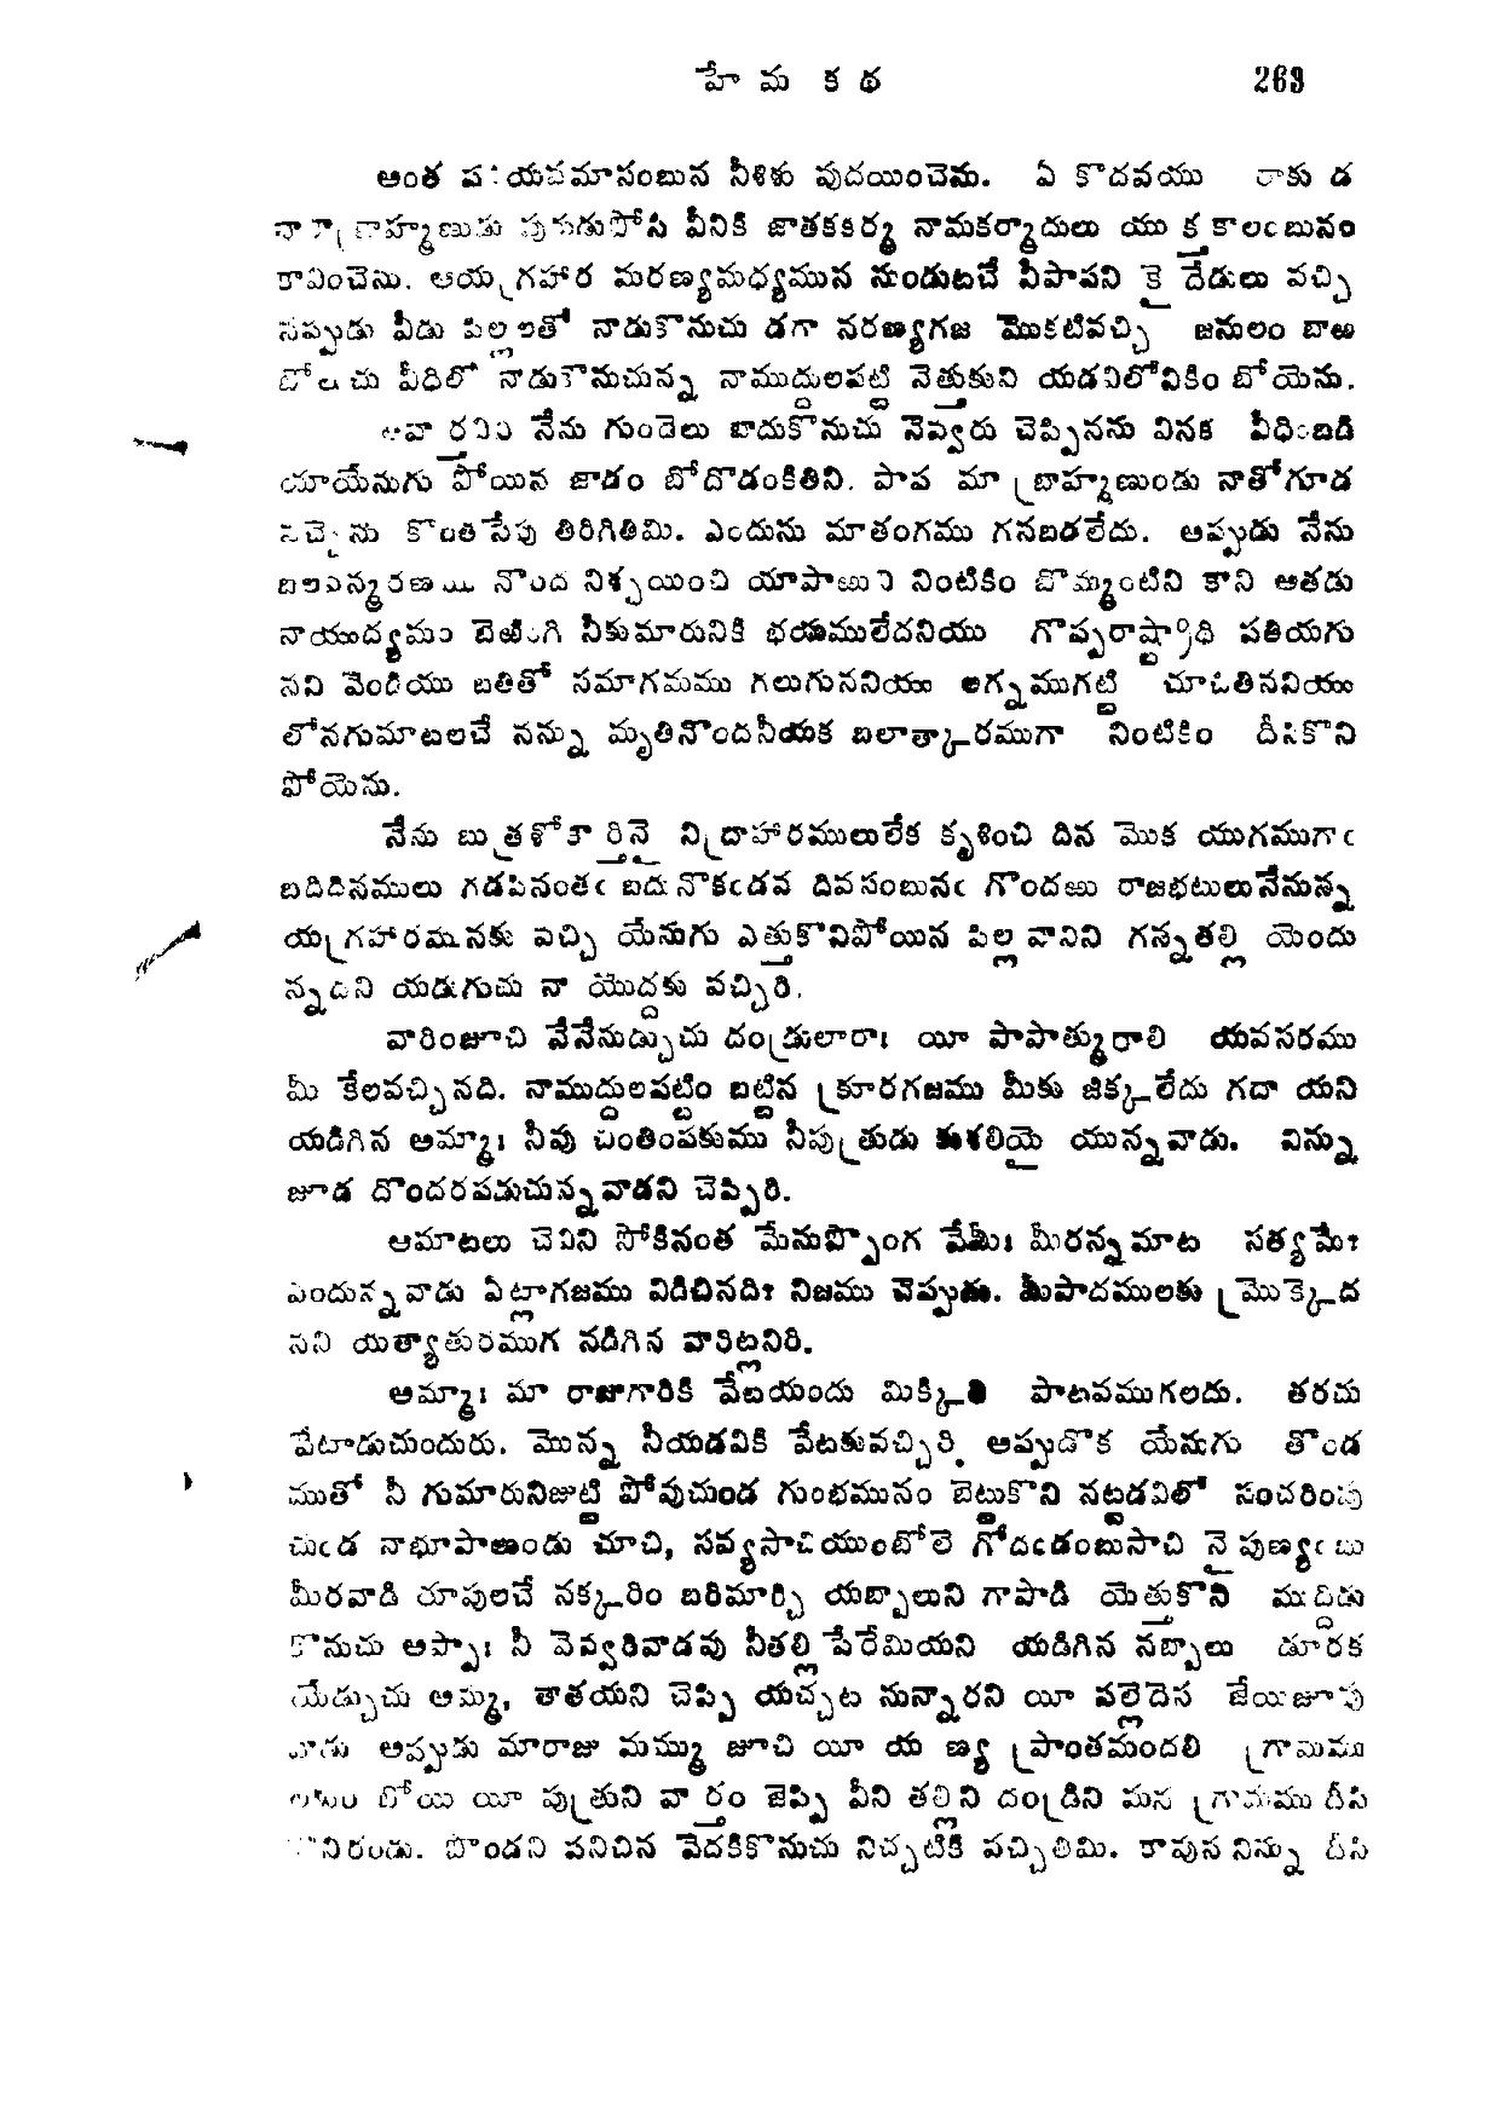అంత పదియవమాసంబున నీశిశు వుదయించెను. ఏ కొదవయు రాకుండ నాకా బ్రాహ్మణుడు పురుడుపోసి వీనికి జాతకకర్మ నామకర్మాదులు యుక్తకాలంబునం కావించెసు. ఆయగ్రహార మరణ్యమధ్యమున నుండుటచే నీపాపని కైదేడులు వచ్చినప్పుడు వీడు పిల్లలతో నాడుకొనుచుండగా నరణ్యగజ మొకటివచ్చి జనులం బాఱదోలుచు వీథిలో నాడుకొనుచున్న నాముద్దులపట్టి నెత్తుకుని యడవిలోనికిం బోయెను.

ఆవార్తవిని నేను గుండెలు బాదుకొనుచు నెవ్వరు చెప్పినను వినక వీథింబడి యాయేనుగు పోయిన జాడం బో దొడంకితిని. పాప మా బ్రాహ్మణుండు నాతోగూడ వచ్చెను కొంతసేపు తిరిగితిమి. ఎందును మాతంగము గనబడలేదు. అప్పుడు నేను బలవన్మరణము నొంద నిశ్చయించి యాపాఱుని నింటికిం బొమ్మంటిని కాని అతడు నా యుద్యమం బెఱింగి నీకుమారునికి భయములేదనియు గొప్పరాష్ట్రాధి పతియగునని వెండియు బతితో సమాగమము గలుగుననియు లగ్నముగట్టి చూచితిననియు లోనగుమాటలచే నన్ను మృతినొందనీయక బలాత్కారముగా నింటికిం దీసికొని పొయెను.

నేను బుత్రశోకార్తినై నిద్రాహారములులేక కృశించి దిన మొక యుగముగాఁ బదిదినములు గడపినంతఁ బదునొకండవ దివసంబునఁ గొందఱు రాజభటులునేనున్న యగ్రహారమునకు వచ్చి యేనుగు ఎత్తుకొనిపోయిన పిల్లవానిని గన్నతల్లి యెందున్నదని యడుగుచు నా యొద్దకు వచ్చిరి.

వారింజూచి నే నేడ్చుచు దండ్రులారా! యీ పాపాత్మురాలి యవసరము మీ కేలవచ్చినది. నాముద్దులపట్టిం బట్టిన క్రూరగజము మీకు జిక్కలేదు గదా యని యడిగిన అమ్మా! నీవు చింతింపకుము నీపుత్రుడు కుశలియై యున్నవాడు. నిన్ను జూడ దొందరపడుచున్న వాడని చెప్పిరి.

ఆమాటలు చెవిని సోకినంత మేనుప్పొంగ నేమీ? మీరన్నమాట సత్యమే? ఎందున్నవాడు ఎట్లాగజము విడిచినది? నిజము చెప్పుడు. మీపాదములకు మ్రొక్కెదనని యత్యాతురముగ నడిగిన వారిట్లనిరి.

అమ్మా! మా రాజుగారికి వేటయందు మిక్కిలి పాటవముగలదు. తరచు వేటాడుచుందురు. మొన్న నీయడవికి వేటకువచ్చిరి. అప్పుడొక యేనుగు తొండముతో నీ గుమారునిజుట్టి పోవుచుండ గుంభమునం బెట్టుకొని నట్టడవిలో సంచరింపుచుండ నాభూపాలుండు చూచి, సవ్యసాచియుంబోలె గోదండంబుసాచి నైపుణ్యంబు మీరవాడి తూపులచే నక్కరిం బరిమార్చి యబ్బాలుని గాపాడి యెత్తుకొని ముద్దిడుకొనుచు అప్పా! నీ వెవ్వరివాడవు నీతల్లి పేరేమియని యడిగిన నబ్బాలు డూరక యేడ్చుచు అమ్మ, తాతయని చెప్పి యచ్చట నున్నారని యీ పల్లెదెస జేయిజూపువాడు అప్పుడు మారాజు మమ్ము జూచి యీ యరణ్యప్రాంతమందలి గ్రామములకుం బోయి యీ పుత్రుని వార్తం జెప్పి వీని తల్లిని దండ్రిని మన గ్రామము దీసికొనిరండు. పొండని పనిచిన వెదకికొనుచు నిచ్చటికి వచ్చితిమి. కావున నిన్ను దీసి